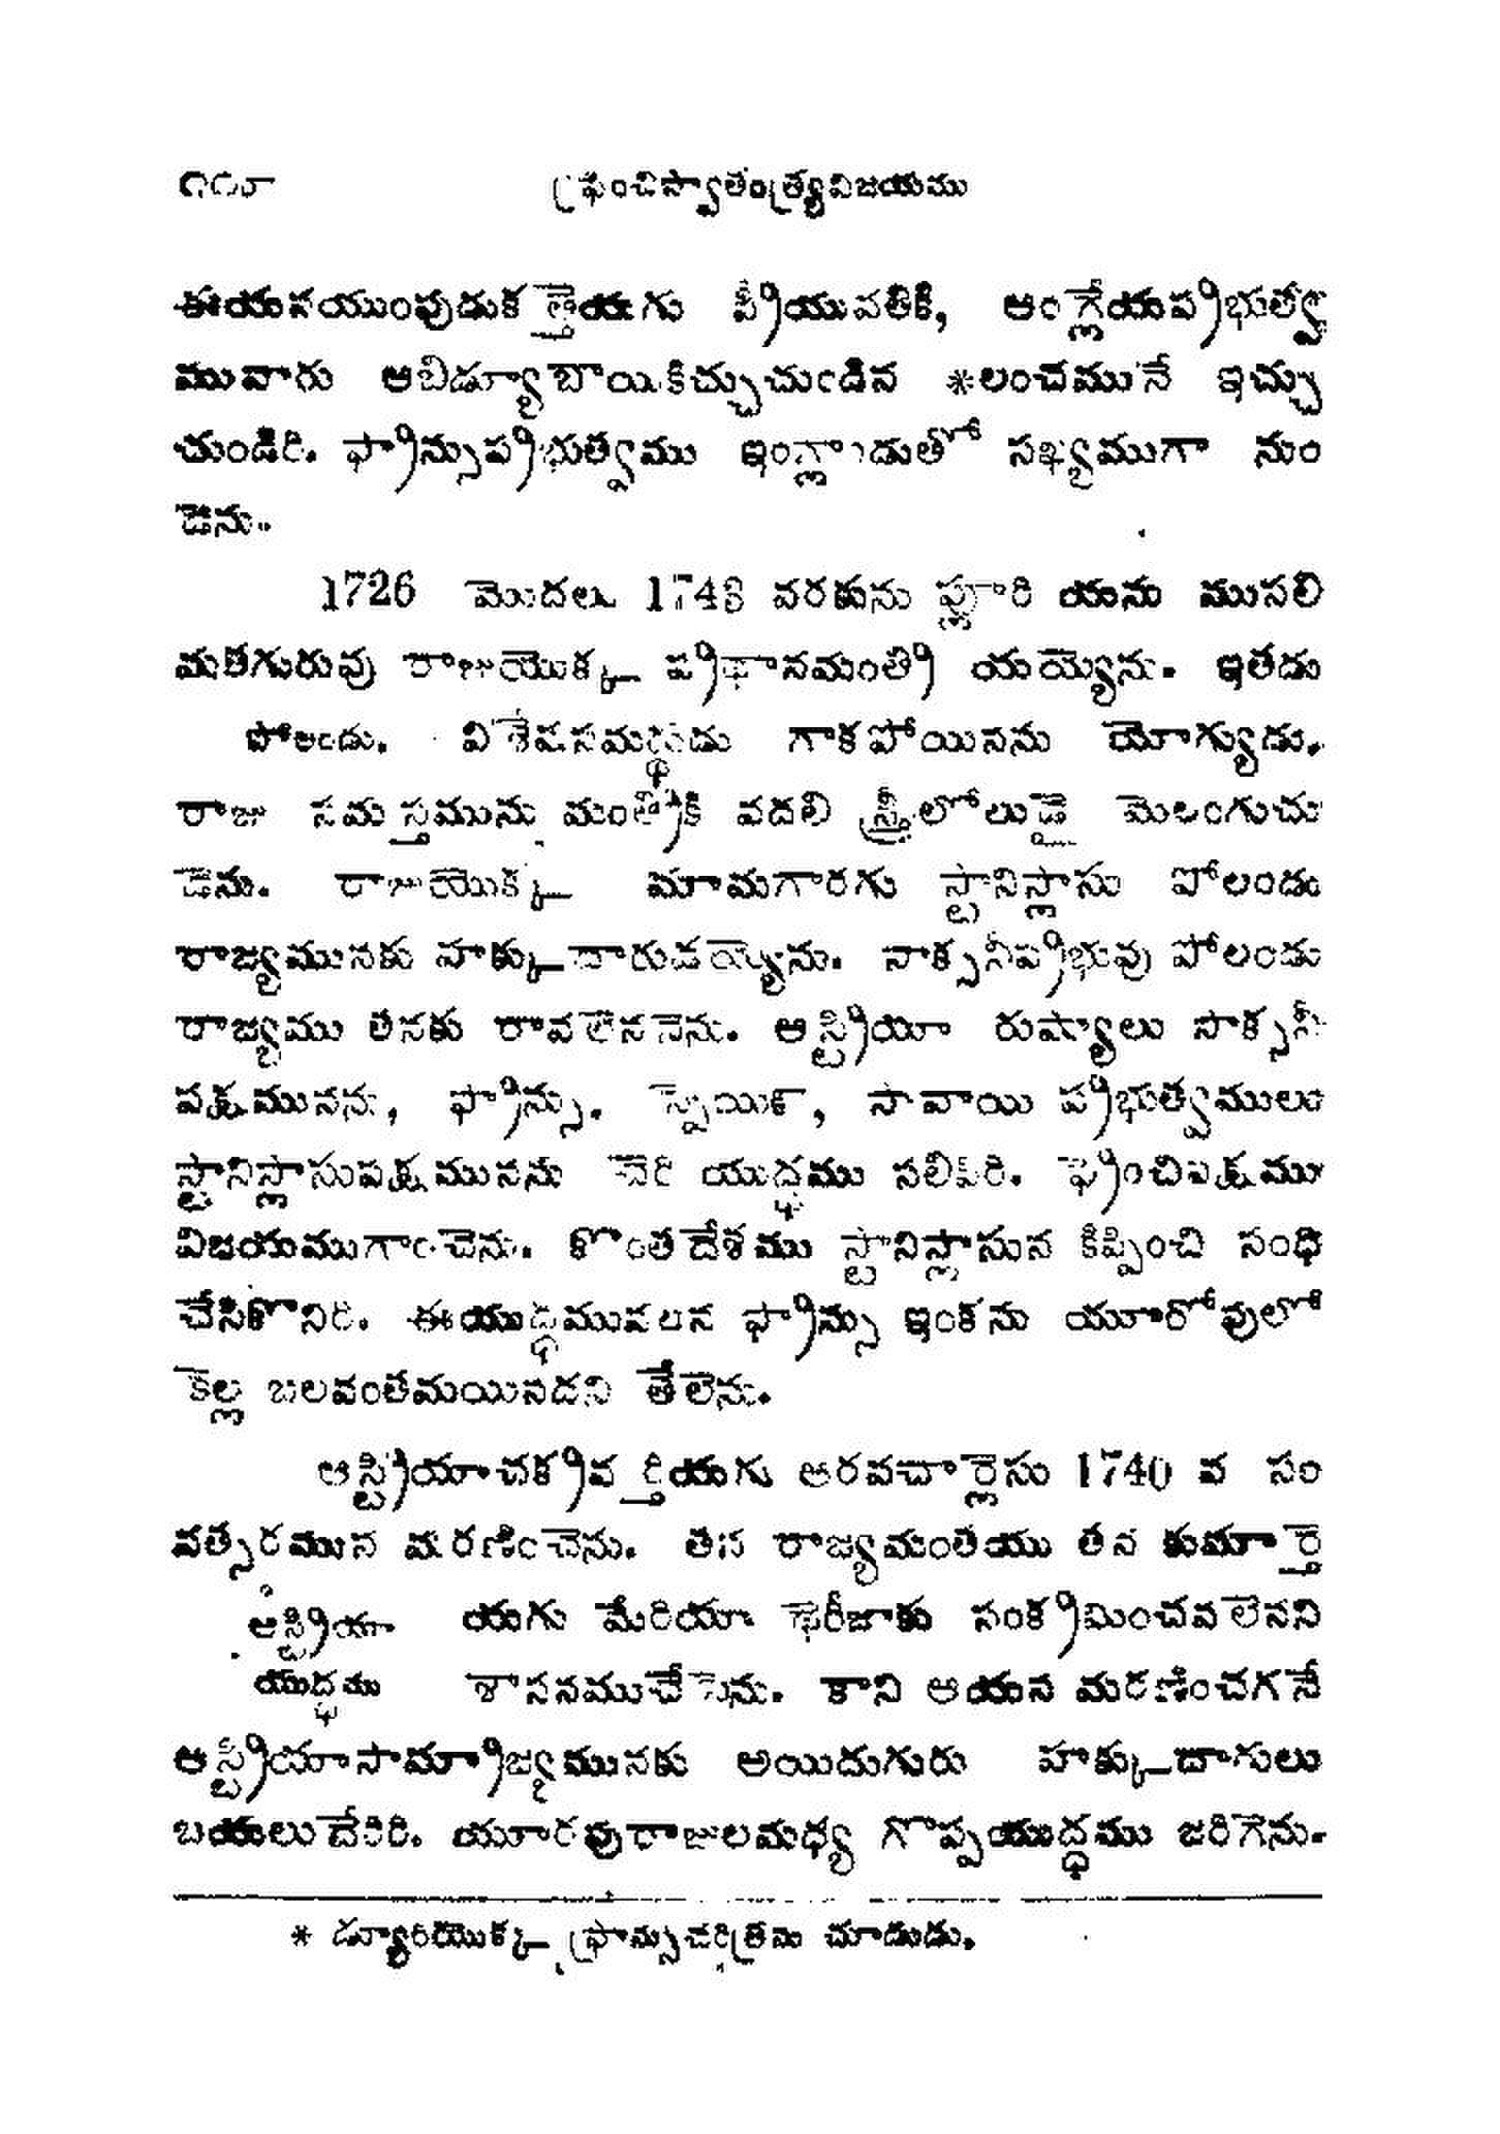ఈయసయుంపుడుకత్తెయగు ప్రీయువతికి, ఆంగ్లేయ ప్రభుత్వ
మువారు ఆబిడ్యూబాయి కిచ్చుచుండిన *లంచము నే ఇచ్చు
చుండిరి. ఫ్రాన్సు ప్రభుత్వము ఇంగ్లాడుతో సఖ్యముగా నుం
డెను.

పోలండు. 

1726 మొదలు 1743 వరకును ఫ్లూరి యను ముసలి
మతగురువు రాజుయొక్క ప్రధానమంత్రి యయ్యెను. ఇతడు
విశేషసమర్థుడు గాకపోయినను యోగ్యుడు,
రాజు సమస్తమును మంత్రికి వదలి స్త్రీలోలుడై మెలంగుచుండెను.
రాజు యొక్క మామగారగు స్టానిస్లాసు పోలండు
రాజ్యమునకు హక్కు దారుడయ్యెను. నాక్సనీ ప్రభువు పోలండు
రాజ్యము తనకు రావ లెన నెను. ఆస్ట్రియా రుష్యాలు సౌక్సనీ
పక్షమునను , ఫ్రాన్సు, స్పెయిన్, సావాయి ప్రభుత్వములు
స్ట్రానిస్లాసు పక్షమునను నేరి యుద్ధము సలిపిరి. ఫ్రెంచిపక్షము
విజయము గాంచెను. కొంత దేశము స్టానిస్లాసున కిప్పించి సంధి
చేసికొనిరి. ఈ యుద్ధము వలన ఫ్రాన్సు ఇంకను యూరోవులో
కెల్ల జలవంతమయినదని తేలేను..

ఆస్ట్రియా
యుద్ధము
ఆస్ట్రియాచక్రవర్తి యగు అరవచార్లెసు 1740 వ సం
వత్సరమున మరణించెను. తన రాజ్యమంతయు తన కుమార్తె
యగు మేరియా థెరీజాకు సంక్రమించవలెనని
శాసనముచేసెను. కాని ఆయన మరణించగానే
ఆస్ట్రియా సామ్రాజ్యమునకు అయిదుగురు హక్కుదాగులు
బయలు దేరిరి. యూరపు రాజుల మధ్య గొప్ప యుద్ధము జరిగెను.

...........................................................................